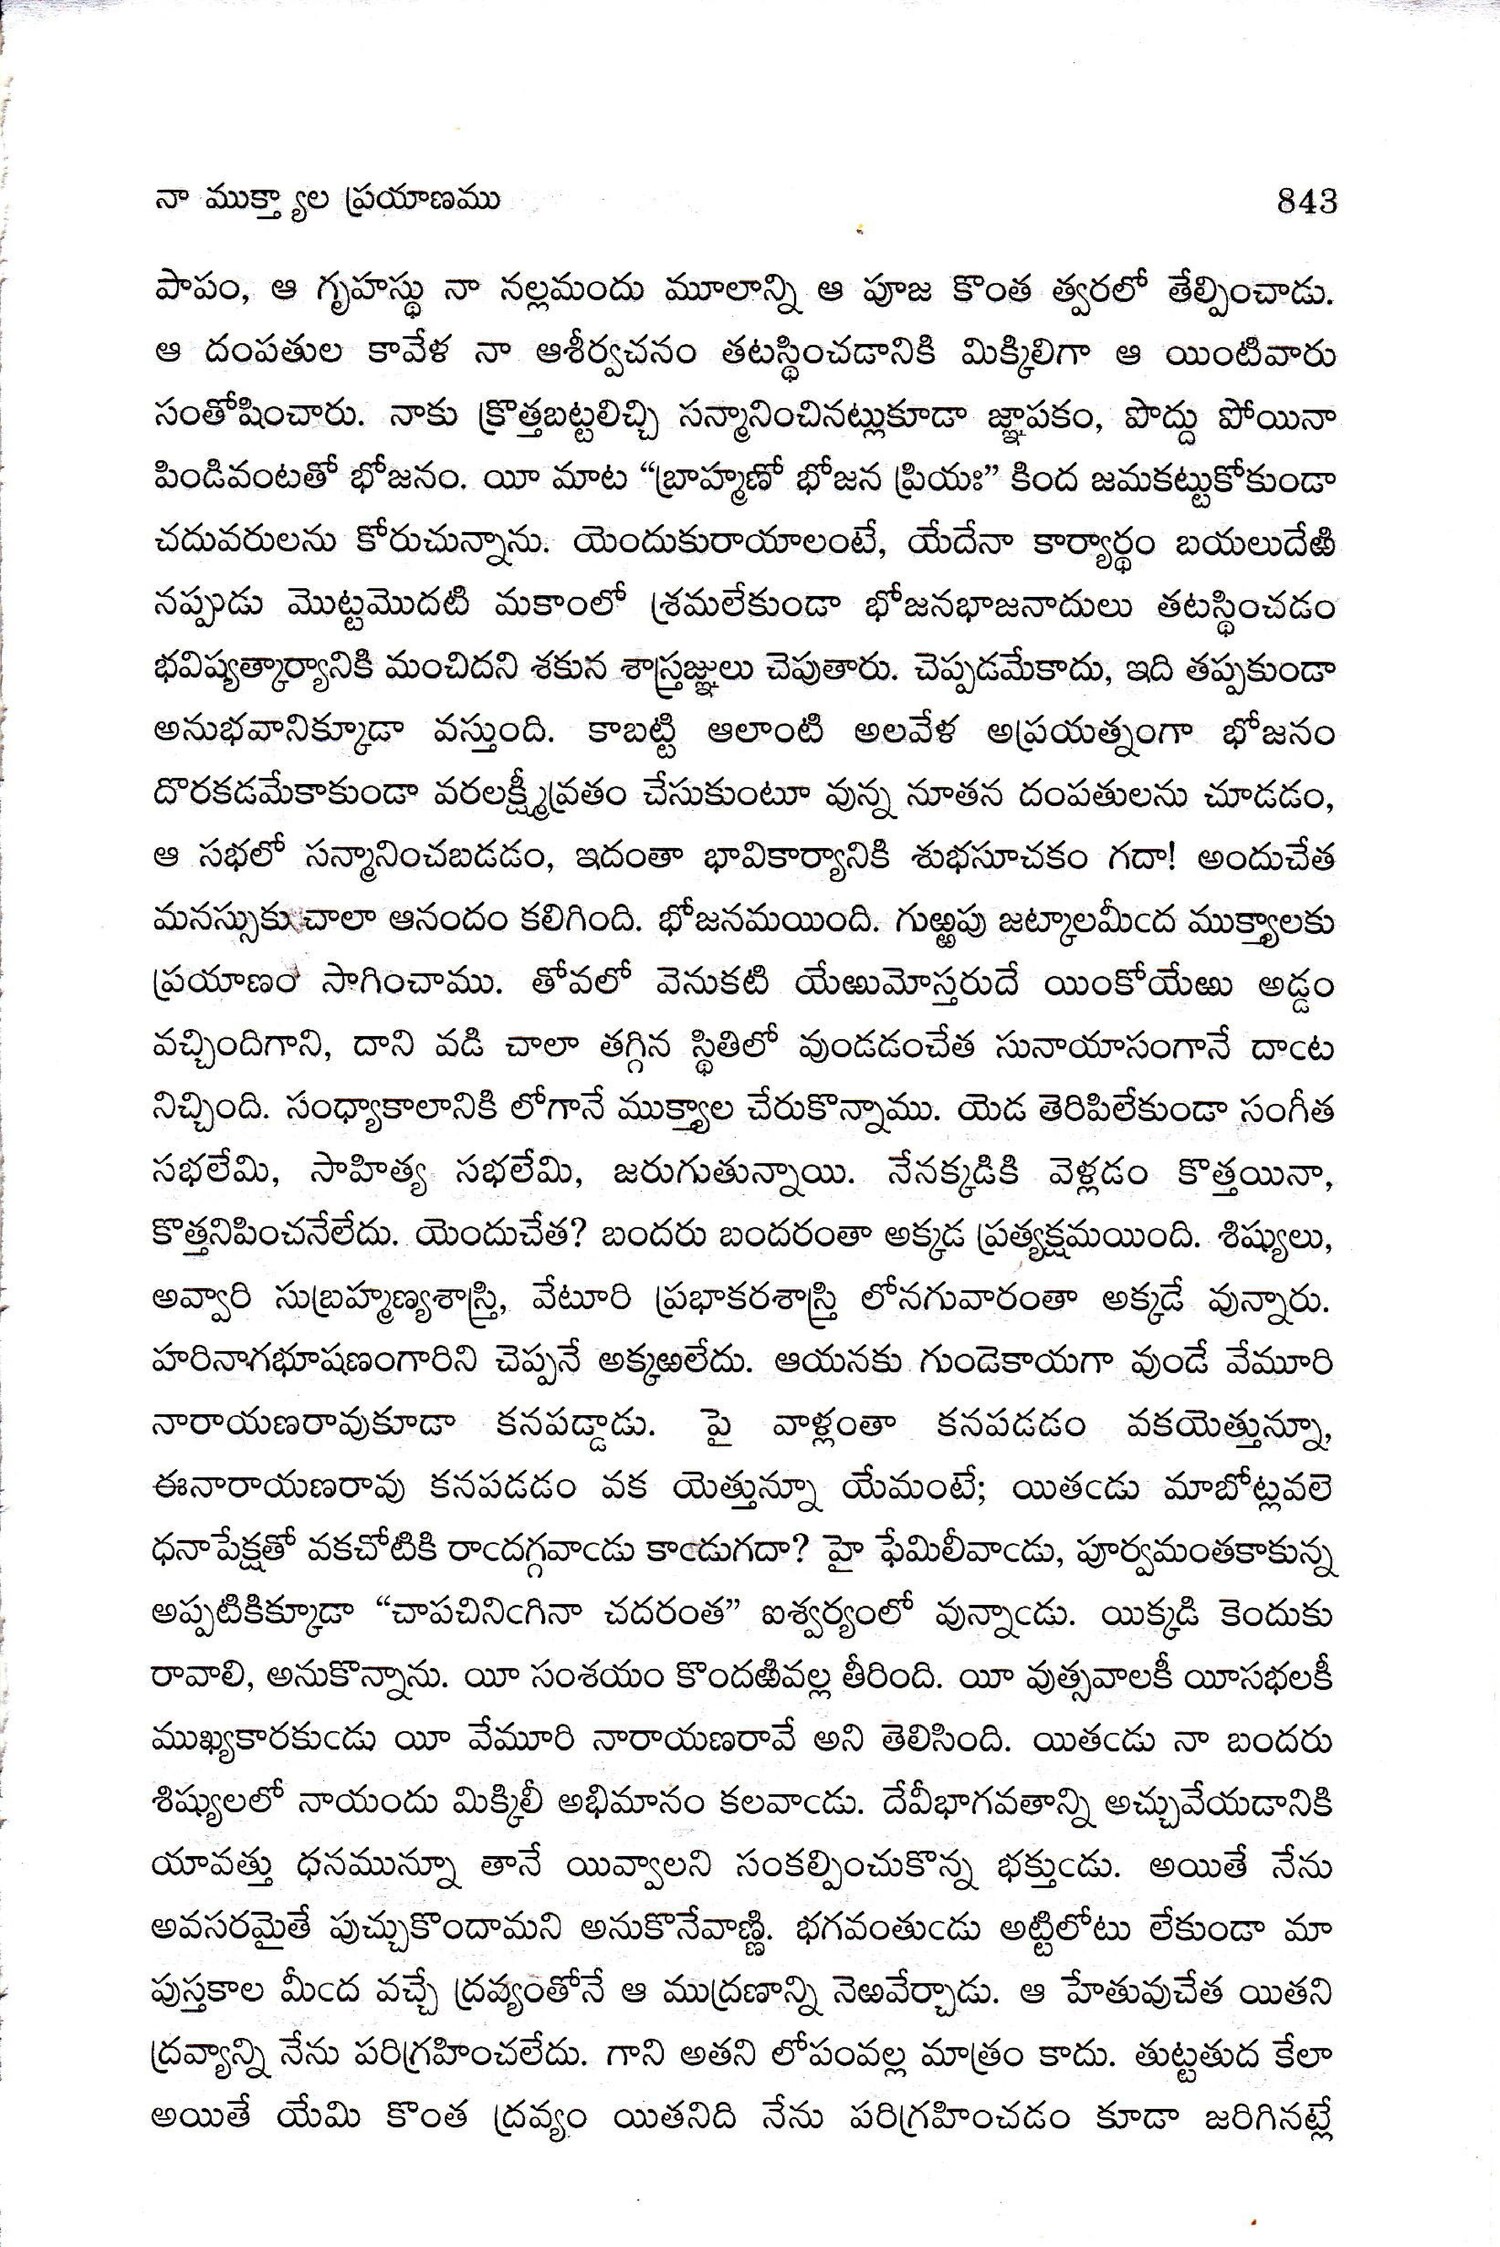పాపం, ఆ గృహస్థు నా నల్లమందు మూలాన్ని ఆ పూజ కొంత త్వరలో తేల్పించాడు. ఆ దంపతుల కావేళ నా ఆశీర్వచనం తటస్థించడానికి మిక్కిలిగా ఆ యింటివారు సంతోషించారు. నాకు క్రొత్తబట్టలిచ్చి సన్మానించినట్లుకూడా జ్ఞాపకం. పొద్దు పోయినా పిండివంటతో భోజనం. యీ మాట "బ్రాహ్మణో భోజన ప్రియః" కింద జమకట్టుకోకుండా చదువరులను కోరుచున్నాను. యెందుకురాయాలంటే, యేదేనా కార్యార్థం బయలుదేఱి నప్పుడు మొట్టమొదటి మకాంలో శ్రమలేకుండా భోజనభాజనాదులు తటస్థించడం భవిష్యత్కార్యానికి మంచిదని శకున శాస్త్రజ్ఞులు చెపుతారు. చెప్పడమేకాదు, ఇది తప్పకుండా అనుభవానిక్కూడా వస్తుంది. కాబట్టి ఆలాంటి అలవేళ అప్రయత్నంగా భోజనం దొరకడమేకాకుండా వరలక్ష్మీవ్రతం చేసుకుంటూ వున్న నూతన దంపతులను చూడడం, ఆ సభలో సన్మానించబడడం, ఇదంతా భావికార్యానికి శుభసూచకం గదా! అందుచేత మనస్సుకు చాలా ఆనందం కలిగింది. భోజనమయింది. గుఱ్ఱపు జట్కాలమీఁద ముక్త్యాలకు ప్రయాణం సాగించాము. తోవలో వెనుకటి యేఱుమోస్తరుదే యింకోయేఱు అడ్డం వచ్చిందిగాని, దాని వడి చాలా తగ్గిన స్థితిలో వుండడంచేత సునాయాసంగానే దాఁట నిచ్చింది. సంధ్యాకాలానికి లోగానే ముక్త్యాల చేరుకొన్నాము. యెడ తెరిపిలేకుండా సంగీత సభలేమి, సాహిత్య సభలేమి, జరుగుతున్నాయి. నేనక్కడికి వెళ్లడం కొత్తయినా, కొత్తనిపించనేలేదు. యెందుచేత? బందరు బందరంతా అక్కడ ప్రత్యక్షమయింది. శిష్యులు, అవ్వారి సుబ్రహ్మణ్యశాస్త్రి, వేటూరి ప్రభాకరశాస్త్రి లోనగువారంతా అక్కడే వున్నారు. హరినాగభూషణంగారిని చెప్పనే అక్కఱలేదు. ఆయనకు గుండెకాయగా వుండే వేమూరి నారాయణరావుకూడా కనపడ్డాడు. పై వాళ్లంతా కనపడడం వకయెత్తున్నూ, ఈనారాయణరావు కనపడడం వక యెత్తున్నూ యేమంటే; యితఁడు మాబోట్లవలె ధనాపేక్షతో వకచోటికి రాఁదగ్గవాఁడు కాఁడుగదా? హై ఫేమిలీవాఁడు, పూర్వమంతకాకున్న అప్పటికిక్కూడా “చాపచినిఁగినా చదరంత” ఐశ్వర్యంలో వున్నాఁడు. యిక్కడి కెందుకు రావాలి, అనుకొన్నాను. యీ సంశయం కొందఱివల్ల తీరింది. యీ వుత్సవాలకీ యీసభలకీ ముఖ్యకారకుఁడు యీ వేమూరి నారాయణరావే అని తెలిసింది. యితఁడు నా బందరు శిష్యులలో నాయందు మిక్కిలీ అభిమానం కలవాఁడు. దేవీభాగవతాన్ని అచ్చువేయడానికి యావత్తు ధనమున్నూ తానే యివ్వాలని సంకల్పించుకొన్న భక్తుఁడు. అయితే నేను అవసరమైతే పుచ్చుకొందామని అనుకొనేవాణ్ణి. భగవంతుఁడు అట్టిలోటు లేకుండా మా పుస్తకాల మీఁద వచ్చే ద్రవ్యంతోనే ఆ ముద్రణాన్ని నెఱవేర్చాడు. ఆ హేతువుచేత యితని ద్రవ్యాన్ని నేను పరిగ్రహించలేదు. గాని అతని లోపంవల్ల మాత్రం కాదు. తుట్టతుద కేలా అయితే యేమి కొంత ద్రవ్యం యితనిది నేను పరిగ్రహించడం కూడా జరిగినట్లే